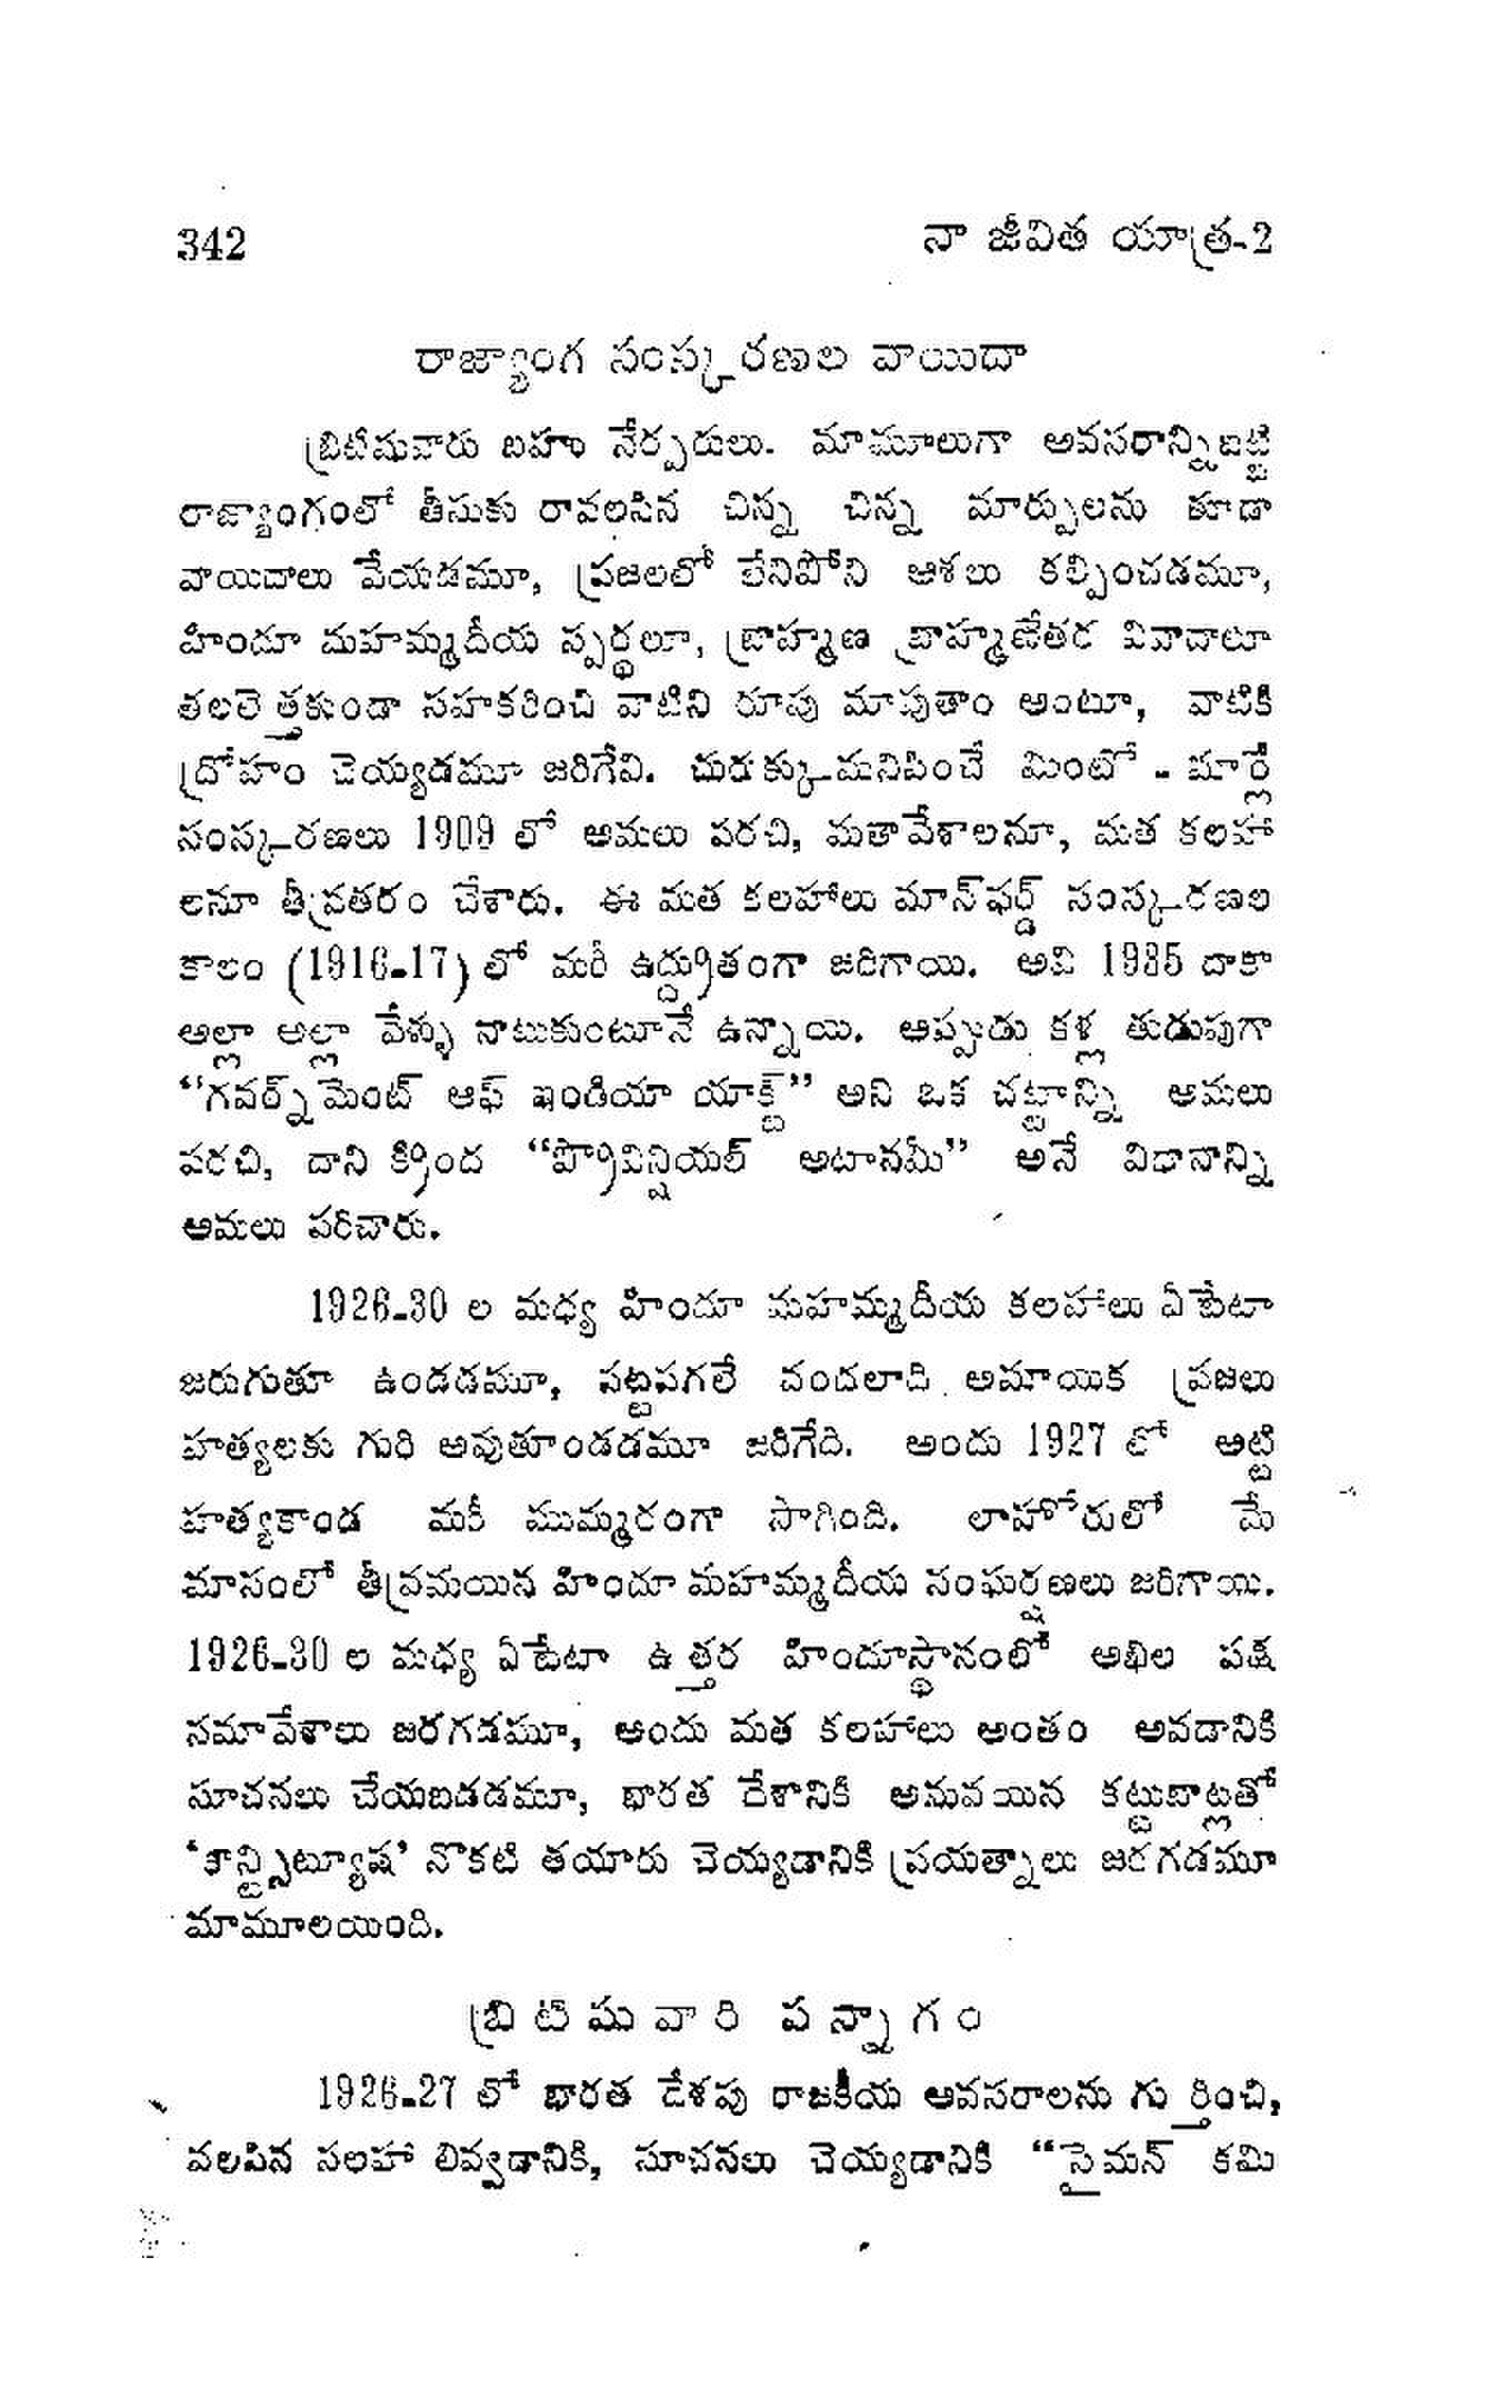బ్రిటిషువారు బహు నేర్పరులు. మామూలుగా అవసరాన్నిబట్టి రాజ్యాంగంలో తీసుకు రావలసిన చిన్న చిన్న మార్పులను కూడా వాయిదాలు వేయడమూ, ప్రజలలో లేనిపోని ఆశలు కల్పించడమూ, హిందూ మహమ్మదీయ స్పర్థలూ, బ్రాహ్మణ బ్రాహ్మణేతర వివాదాలూ తలలెత్తకుండా సహకరించి వాటిని రూపు మాపుతాం అంటూ, వాటికి ద్రోహం చెయ్యడమూ జరిగేవి. చురుక్కుమనిపించే మింటో-మార్లే సంస్కరణలు 1909లో అమలు పరచి, మతావేశాలనూ, మత కలహాలనూ తీవ్రతరం చేశారు. ఈ మత కలహాలు మాన్‌ఫర్డ్ సంస్కరణల కాలం (1916-17)లో మరీ ఉద్ద్రుతంగా జరిగాయి. అవి 1935 దాకా అల్లా అల్లా వేళ్ళు నాటుకుంటూనే ఉన్నాయి. అప్పుడు కళ్ల తుడుపుగా "గవర్నమెంట్ ఆఫ్ ఇండియా యాక్ట్" అని ఒక చట్టాన్ని అమలుపరచి, దాని క్రింద "ప్రొవిన్షియల్ అటానమీ" అనే విధానాన్ని అమలు పరిచారు.

1926-30 ల మధ్య హిందూ మహమ్మదీయ కలహాలు ఏటేటా జరుగుతూ ఉండడమూ, పట్టపగలే వందలాది అమాయక ప్రజలు హత్యలకు గురి అవుతూండడమూ జరిగేది. అందు 1927 లో అట్టి హత్యాకాండ మరీ ముమ్మరంగా సాగింది. లాహోరులో మే మాసంలో తీవ్రమయిన హిందూ మహమ్మదీయ సంఘర్షణలు జరిగాయి. 1926-30 ల మధ్య ఏటేటా ఉత్తర హిందూస్థానంలో అఖిల పక్ష సమావేశాలు జరగడమూ, అందు మత కలహాలు అంతం అవడానికి సూచనలు చేయబడడమూ, భారత దేశానికి అనువయిన కట్టుబాట్లతో "కాన్ట్సిట్యూష" నొకటి తయారు చెయ్యడానికి ప్రయత్నాలు జరగడమూ మామూలయింది.

1926-27లో భారత దేశపు రాజకీయ అవసరాలను గుర్తించి, వలసిన సలహా లివ్వడానికి, సూచనలు చెయ్యడానికి "సైమన్ కమి